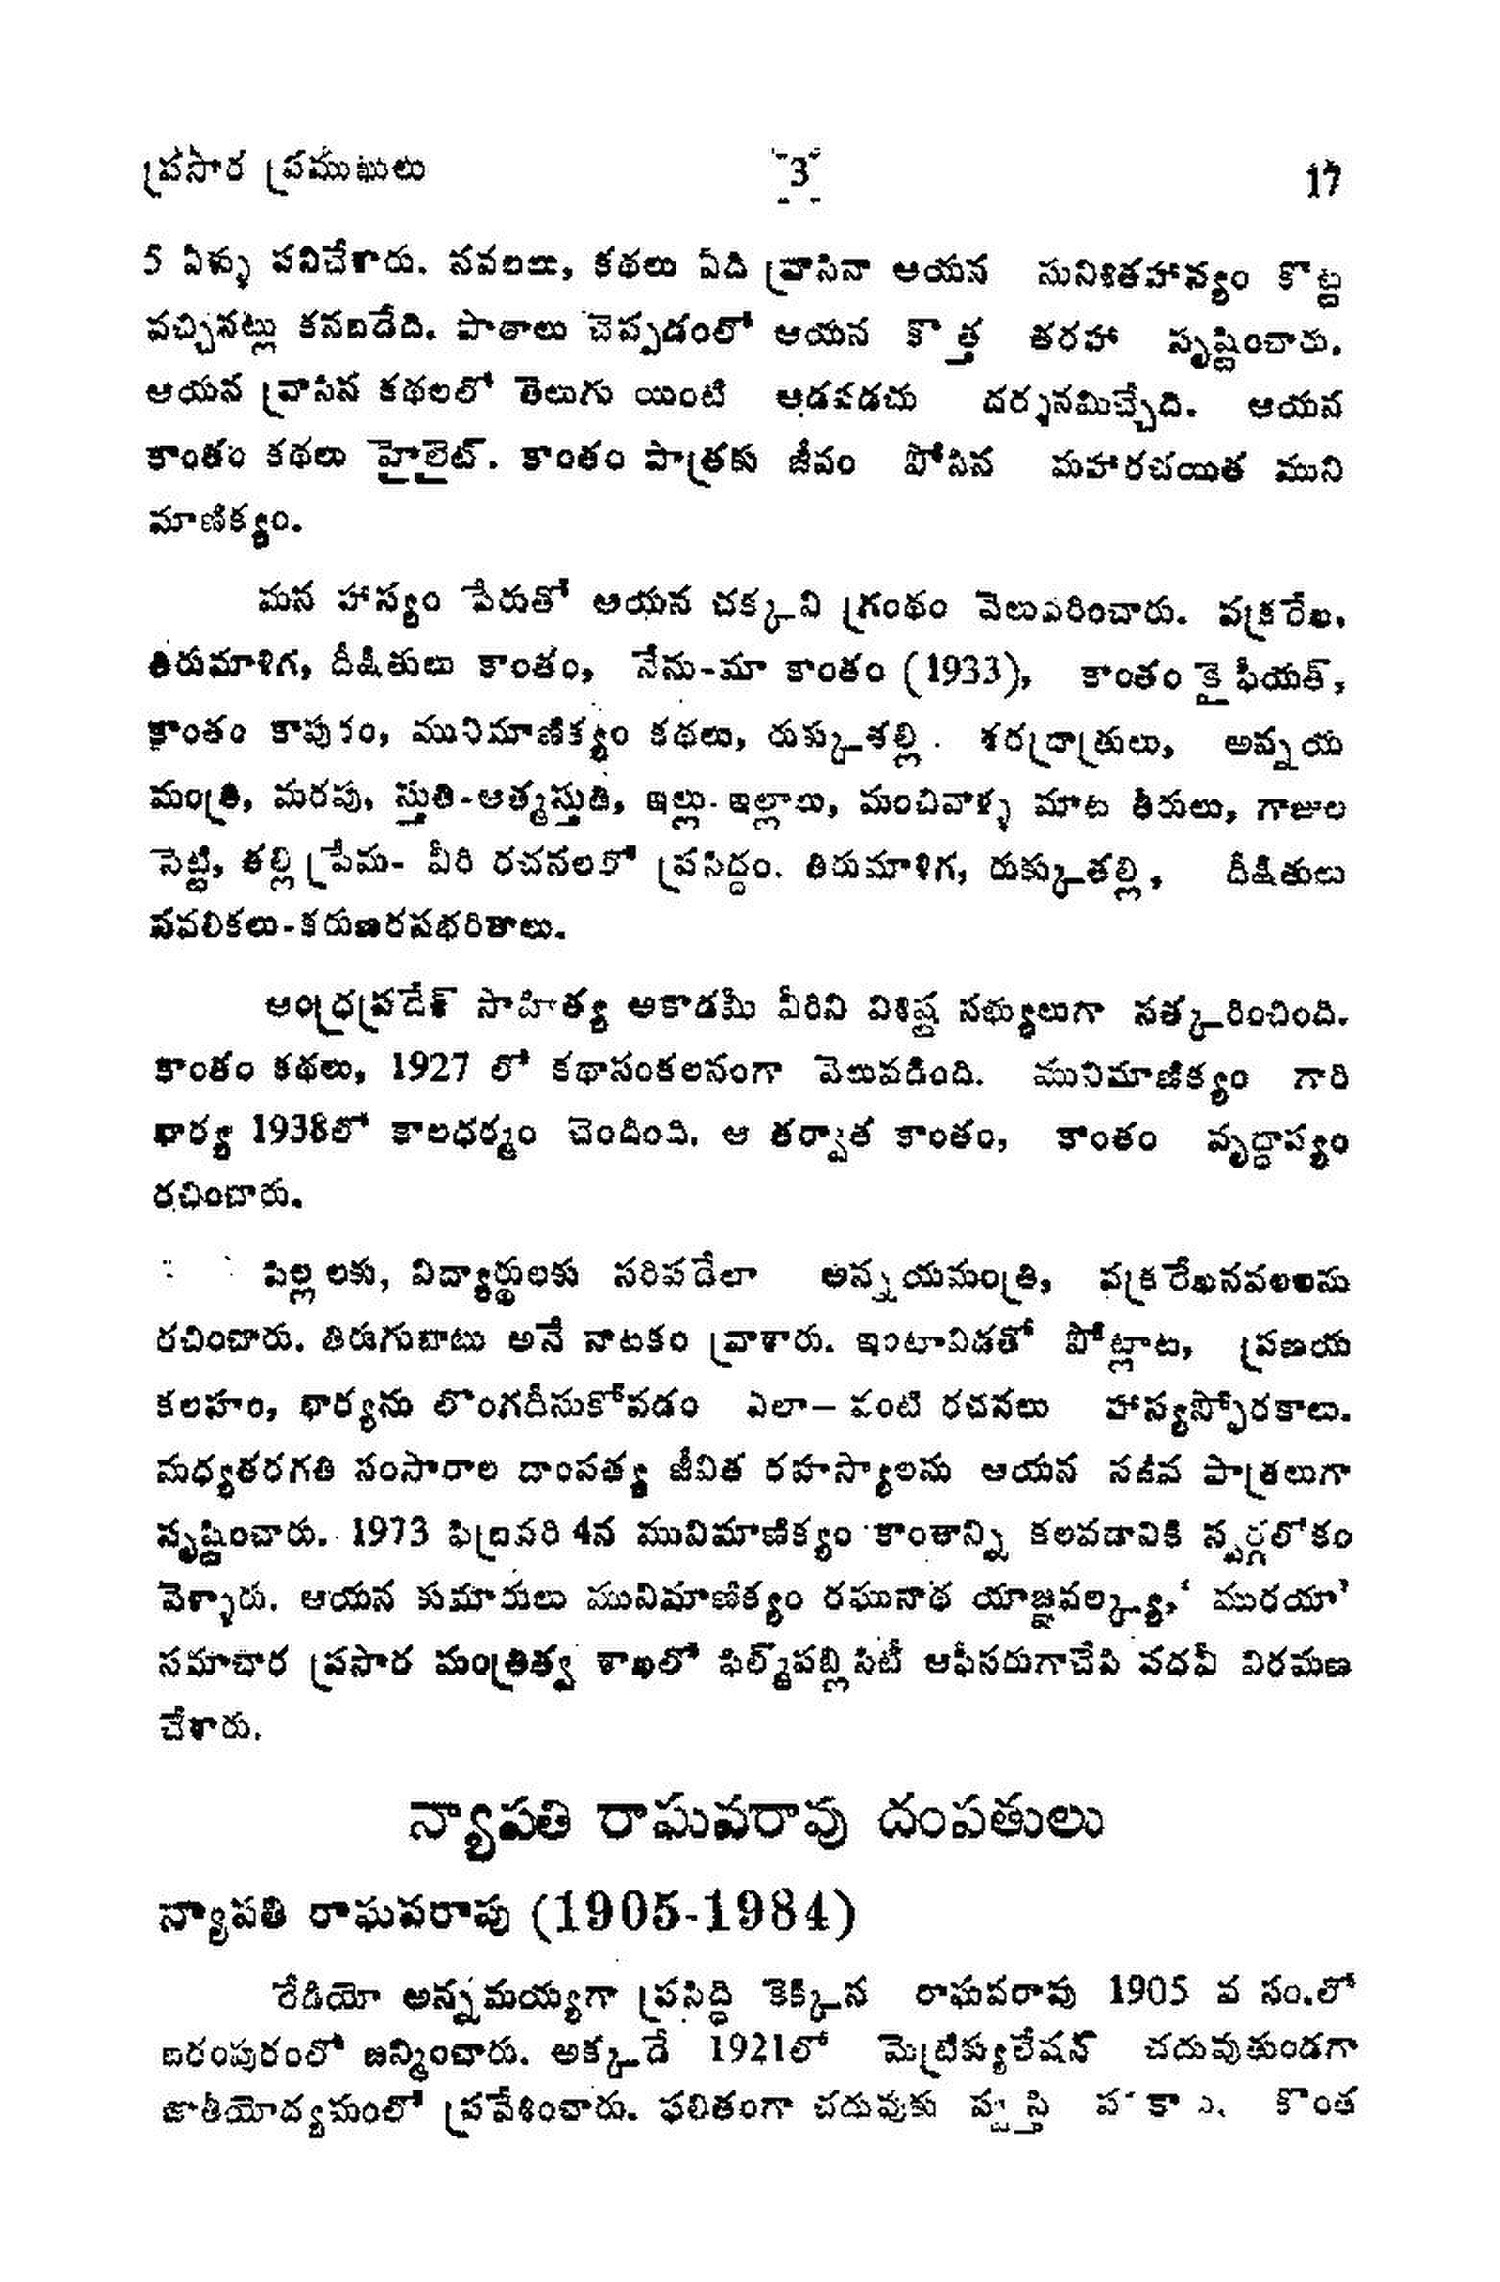5 ఏళ్ళు పనిచేసారు. నవలలు, కధలు ఏది వ్రాసినా ఆయన సునిశితహాస్యం కొట్ట వచినట్లు కనపడేది. పాటలు చెప్పడంలో ఆయన కొత్త తరహ సృషించారు. ఆయన వ్రాసిని కధలలో తెలుగు యింటి ఆడపడుచు దర్శనమిచేది. ఆయన కాంతం కధలు హైలైట్. కాంతం పాత్రకు జీవం పోసిన మహారచయిత ముని మాణిక్యం.
 
మన హాస్యం పేరుతో ఆయన చక్కని గ్రంధం వెలువరించారు. వక్రరేఖ, తిరుమాళిగ, దీక్షితులు కాంతం, నేను మా కాంతం (1933), కాంతం కైఫియత్, కాంతం కాపురం, మునిమాణిక్యం కథలు, రుక్కుతల్లి, శరధ్రాత్రులు, అన్నయ మంత్రి, మరపు, స్తుతి-ఆత్మస్తుతి, ఇల్లు-ఇల్లాలు, మంచివాళ మాట తీరులు, గాజుల సెట్టి, తల్లి ప్రేమ. వీరి రచనలలో ప్రసిద్ధం. తిరమాళిగా, రుకుతల్లి, దీక్షితులు నవలికలు-కరుణరసభరితాలు.
 
ఆంధ్రప్రదేశ్ సాహిత్య అకాడమీ వీరిని విశిష్ట సభ్యులుగా సత్కరించింది. కాంతం కధలు, 1927 లో కధాసంకలనంగా వెలువడింది. మునిమాణిక్యం గారి భార్య 1938 లో కాలధర్మం చెందింది. ఆ తర్వాత కాంతం, కాంతం వృద్ధాప్యం రచించారు. 
 
పిల్లలకు, విద్యార్ధులకు సరిపడేలా అన్నయమంత్రి, వక్రరేఖ నవలలను రచించారు. తిరుగుబాటు అనే నాటకం వ్రాసారు. ఇంటావిడతో పోట్లాట, ప్రణయ కలహం, భార్యను లొంగదీసుకోవడం ఎలా - వంటి రచనలు హాస్యస్పోరకాలు. మధ్యతరగతి సంసారాల దాంపత్య జీవిత రహస్యాలను ఆయన సజీవ పాత్రలుగా సృషించారు. 1973 ఫిబ్రవరి 4 న మునిమాణిక్యం కాంతని కలవటానికి స్వర్గలోకం వెళ్ళారు. ఆయన కుమార్లు మునిమాణిక్యం రఘునాధ యాజ్ఞవల్క్య, 'మురయా' సంచార ప్రసార మంత్రిత్వ శాఖలో ఫిలింపబ్లిసిటీ ఆఫీసరుగా చేసే పదవీ విరమణ చేశారు.

రేడియో అన్నమయ్యగా ప్రసిద్ధి కెక్కిన రాఘవరావు 1905 వ సంవత్సరం లో బరంపురంలో జన్మించారు. అక్కడే 1921 లో మెట్రిక్యులేషన్ చదువుతుండగా జాతీయోద్యమంలో ప్రవేశించారు. ఫలింతంగా చదువుకు స్వస్తి పలికారు. కొంత